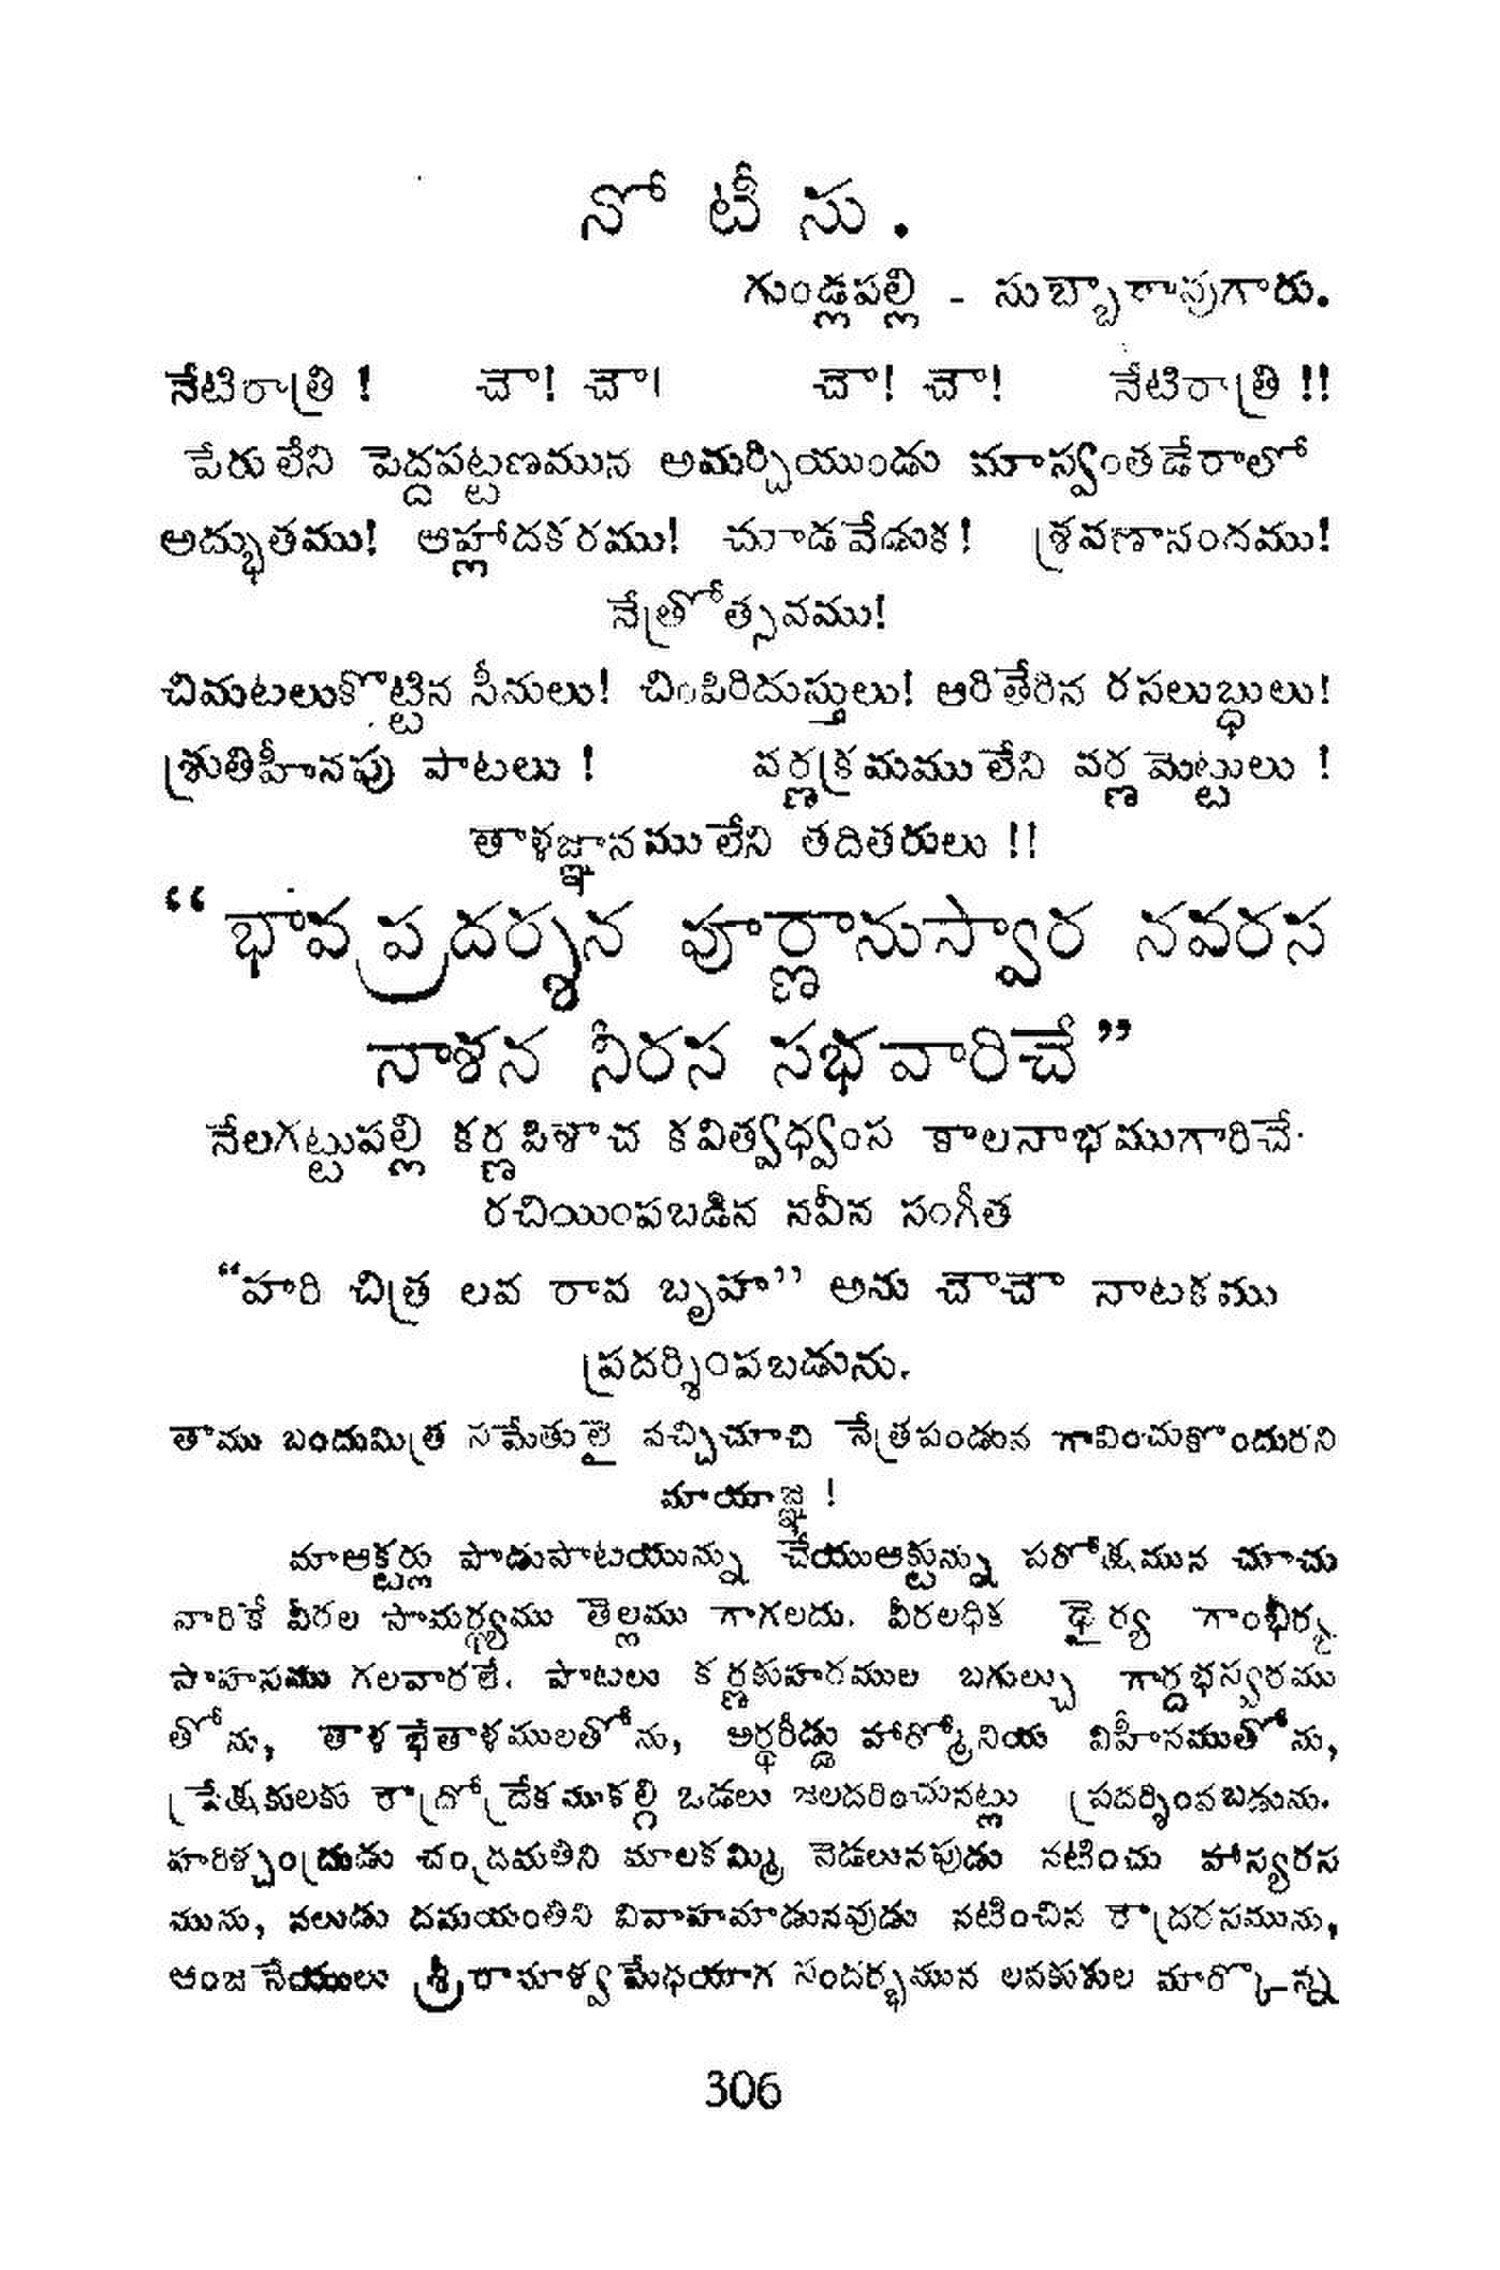నోటీసు.
 గుండ్లపల్లి - సుబ్బారావుగారు.

నేటిరాత్రి ! చౌ ! చౌ ! చౌ ! చౌ ! నేటిరాత్రి !! పేరులేని పెద్దపట్టణమున అమర్చియుండు మాస్వంతడేరాలో అద్భుతము! ఆహ్లాదకరము! చూడవేడుక! శ్రవణానందము! 

చిమటలుకొట్టిన సీనులు! చింపిరిదుస్తులు! ఆరితేరిన రసలుబ్దులు! శ్రుతిహీనపు పాటలు ! వర్ణక్రమములేని వర్ణమెట్టులు ! 

"భావప్రదర్శన పూర్ణానుస్వార నవరసనాశన నీరస సభవారిచే"

నేలగట్టుపల్లి కర్ణపిశాచ కవిత్వధ్వంస కాలనాభముగారిచే రచియింపబడిన నవీన సంగీత

"హరి చిత్ర లవ రావ బృహ" అను చౌచౌ నాటకంము

 ప్రదర్శింపబడును.

తాము బందుమిత్ర సమేతులై వచ్చిచూచి నేత్రపండున గావించుకొందురని మాయాజ్ఞ !

 మాఅక్టర్లు పాడుపాటయున్ను చేయుఆక్టున్ను పరోక్షమున చూచు వారికే నీరల్ సామర్ధ్యము తెల్లము గాగలదు. వీరలధిక ధైర్య గాంబీర్య సాహసము గలవారలే. పాటలు కర్ణకుహరములు బగుల్చు గార్ధభస్వరముతోను, తాళ భేతాళములతోను, అర్ధరీడ్దు హార్మోనియ విహీనముతోను, ప్రేక్షకులకు రౌద్రోద్రేకము కల్గి ఒడులు జలదరించునట్లు ప్రదర్శింపబడును. హరిశ్చంద్రుడు చంద్రమతిని మాలకమ్మి వెడలునపుడు నటించు హాస్యరసమును, నలుడు దమయంతిని వివాహమాడునపుడు నటించిన రౌద్రరసమును, ఆంజనేయులు శ్రీరామాశ్వమేధయాగ సందర్భమున లవకుశుల మార్కొన్న